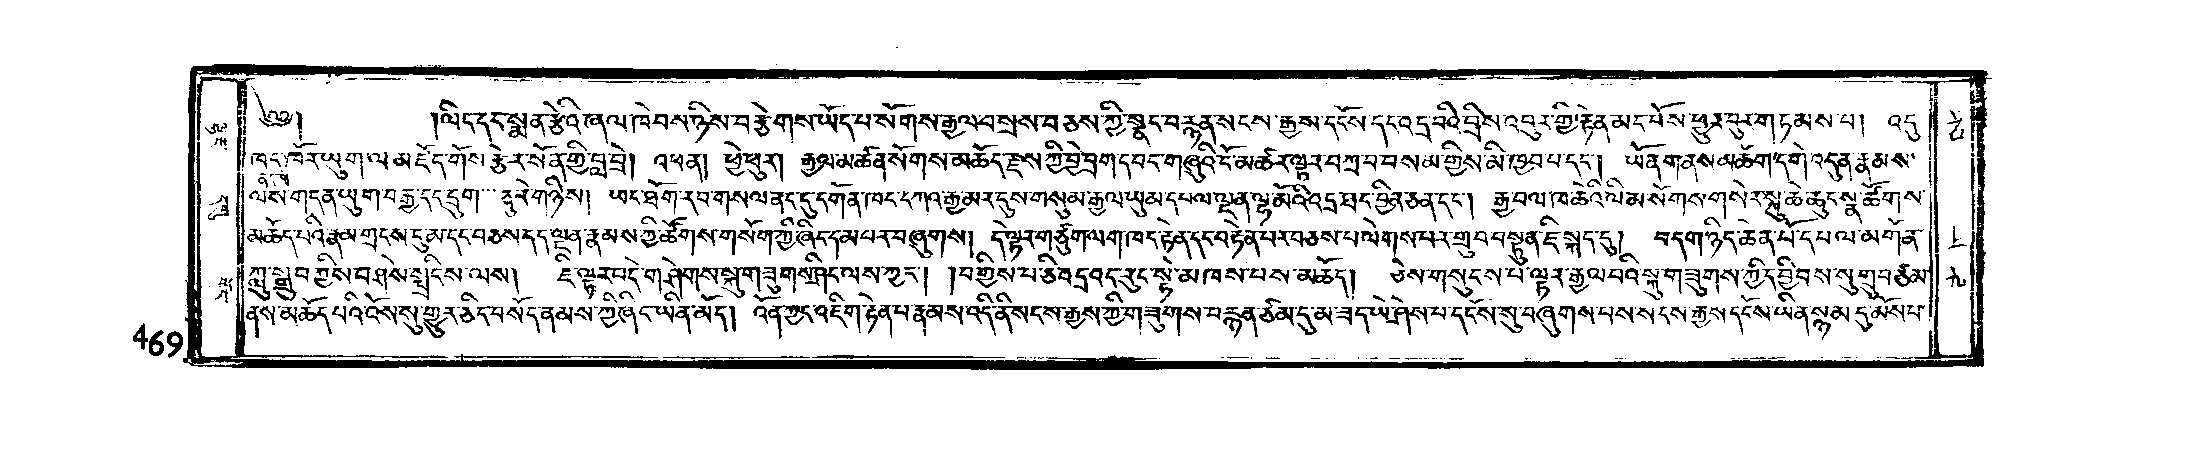༄༅། །ལིང་དང་སྨན་རྩེའི་ཞལ་ཁེབས་ཉིས་བརྩེགས་ཡོད་པ་སོགས་རྒྱལ་བ་སྲས་བཅས་ཀྱི་སྣང་བརྙན་སངས་རྒྱས་དངོས་དང་འདྲ་བའི་བྲིས་འབུར་གྱི་རྟེན་མང་པོས་ཕྱུར་བུར་གཏམས་པ། འདུ་
ཁང་ནད་པ་ཁོར་ཡུག་ལ་མཛོད་གོས་རྩེར་སོན་གྱི་བླ་བྲེ། འཕན། ཕྱེ་ཕུར། རྒྱལ་མཚན་སོགས་མཆོད་རྫས་ཀྱི་བྱེ་བྲག་དབང་གཞུའི་ངོ་མཚར་ལྟར་བཀྲ་བ་བསམ་གྱིས་མི་ཁྱབ་པ་དང་། ཡོན་གནས་མཆོག་དགེ་འདུན་རྣམས་
ལས་གདན་ཡུག་བརྒྱ་དང་དྲུག་ཅུ་རེ་གཉིས། ཡང་ཐོག་རབ་གསལ་ནང་དུ་དགོན་ཁང་དཀའ་རྒྱ་མར་དུས་གསུམ་རྒྱལ་ཡུམ་དཔལ་ལྡན་ལྷ་མོའི་འདྲ་ཐང་བྱིན་ཅན་དང་། རྒྱ་བལ་ཁ་ཆེའི་ལིམ་སོགས་གསེར་སྐུ་ཆེ་ཆུང་སྣ་ཚོགས་
མཆོད་པའི་རྣམ་གྲངས་དུ་མ་དང་བཅས་དད་ལྡན་རྣམས་ཀྱི་ཚོགས་གསོག་ཀྱི་ཞིང་དམ་པར་བཞུགས། དེ་ལྟར་གཙུག་ལག་ཁང་རྟེན་དང་བརྟེན་པར་བཅས་པ་ལེགས་པར་གྲུབ་བསྟུན་ཇི་སྐད་དུ། བདག་ཉིད་ཆེན་པོ་དཔལ་མགོན་
ཀླུ་སྒྲུབ་ཀྱིས་བཤེས་སྤྲིངས་ལས། ཇི་ལྟར་བདེ་གཤེགས་སྐུ་གཟུགས་ཤིང་ལས་ཀྱང་། །བགྱིས་པ་ཅི་འདྲའང་རུང་སྟེ་མཁས་པས་མཆོད། ཅེས་གསུངས་པ་ལྟར་རྒྱལ་བའི་སྐུ་གཟུགས་ཀྱི་དབྱིབས་སུ་གྲུབ་ཙམ་
ནས་མཆོད་པའི་འོས་སུ་གྱུར་ཅིང་བསོད་ནམས་ཀྱི་ཞིང་ཡིན་མོད། འོན་ཀྱང་འཇིག་རྟེན་པ་རྣམས་འདི་ནི་སངས་རྒྱས་ཀྱི་གཟུགས་བརྙན་ཙམ་དུ་མ་ཟད་ཡེ་ཤེས་པ་དངོས་སུ་བཞུགས་པས་སངས་རྒྱས་དངོས་ཡིན་སྙམ་དུ་མོས་པ་